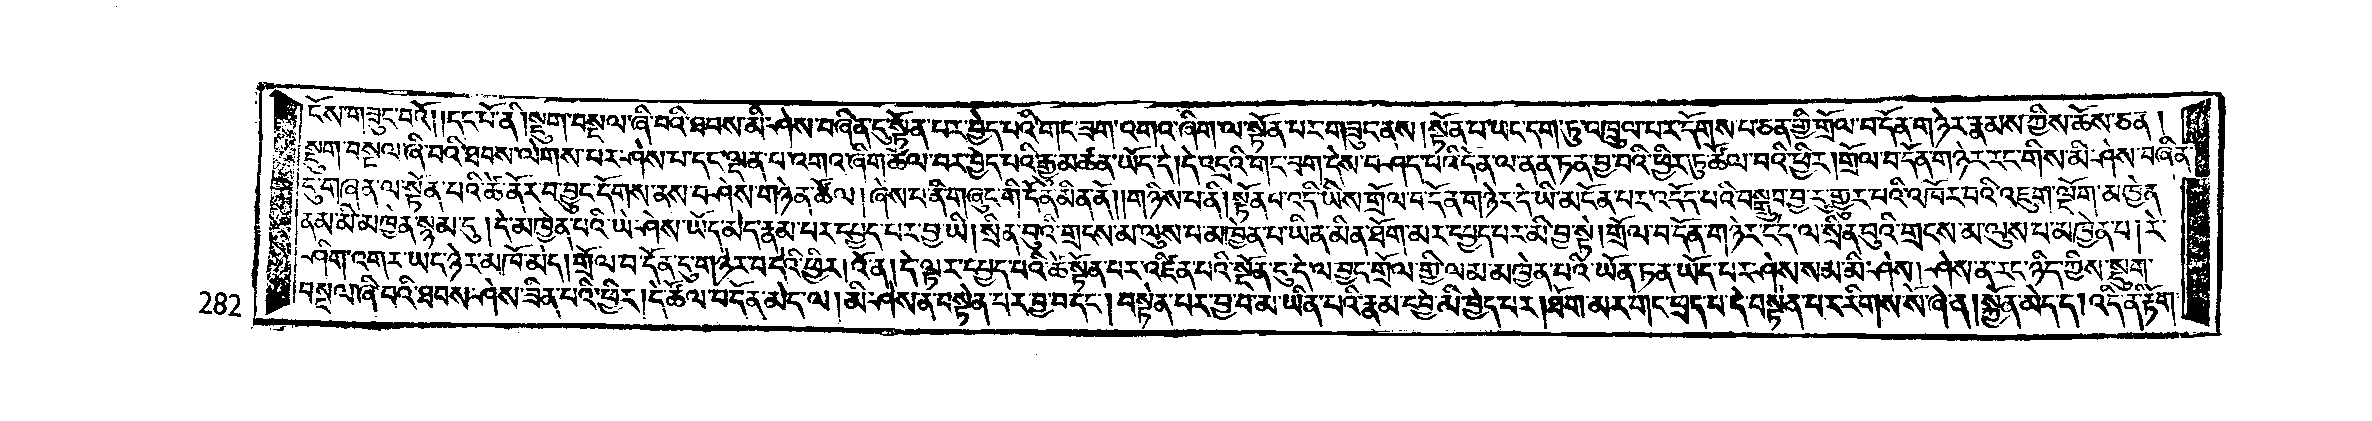ངོས་གཟུང་བའོ། །དང་པོ་ནི། སྡུག་བསྔལ་ཞི་བའི་ཐབས་མི་ཤེས་བཞིན་དུ་སྟོན་པར་བྱེད་པའི་གང་ཟག་འགའ་ཞིག་ལ་སྟོན་པར་གཟུང་ནས། སྟོན་པ་ཡང་དག་ཏུ་འཁྲུལ་པར་དོགས་པ་ཅན་གྱི་གྲོལ་བ་དོན་གཉེར་རྣམས་ཀྱིས་ཆོས་ཅན།
སྡུག་བསྔལ་ཞི་བའི་ཐབས་ལེགས་པར་ཤེས་པ་དང་ལྡན་པ་འགའ་ཞིག་ཚོལ་བར་བྱེད་པའི་རྒྱུ་མཚན་ཡོད་དེ། དེ་འདྲའི་གང་ཟག་དེས་བཤད་པའི་དོན་ལ་ནན་ཏན་བྱ་བའི་ཕྱིར་ཏུ་ཚོལ་བའི་ཕྱིར། གྲོལ་བ་དོན་གཉེར་རང་གིས་མི་ཤེས་བཞིན་
དུ་གཞན་ལ་སྟོན་པའི་ཚེ་ནོར་བ་བྱུང་དོགས་ནས་བཤེས་གཉེན་ཚོལ། ཞེས་པ་ནི་གཞུང་གི་དོན་མིན་ནོ། །གཉིས་པ་ནི། སྟོན་པ་འདི་ཡིས་གྲོལ་བ་དོན་གཉེར་དེ་ཡི་མངོན་པར་འདོད་པའི་བསྒྲུབ་བྱ་རུ་གྱུར་པའི་འཁོར་བའི་འཇུག་ལྡོག་མཁྱེན་
ནམ་མི་མཁྱེན་སྙམ་དུ། དེ་མཁྱེན་པའི་ཡེ་ཤེས་ཡོད་མེད་རྣམ་པར་དཔྱད་པར་བྱ་ཡི། སྲིན་བུའི་གྲངས་མ་ལུས་པ་མཁྱེན་པ་ཡིན་མིན་ཐོག་མར་དཔྱད་པར་མི་བྱ་སྟེ། གྲོལ་བ་དོན་གཉེར་ངེད་ལ་སྲིན་བུའི་གྲངས་མ་ལུས་པ་མཁྱེན་པ། རེ་
ཤིག་འགར་ཡང་ཉེར་མཁོ་མེད། གྲོལ་བ་དོན་དུ་གཉེར་བ་དེའི་ཕྱིར། འོ་ན། དེ་ལྟར་དཔྱད་པའི་ཚེ་སྟོན་པར་འཛིན་པའི་སྔོན་དུ་དེ་ལ་བྱང་གྲོལ་གྱི་ལམ་མཁྱེན་པའི་ཡོན་ཏན་ཡོད་པར་ཤེས་སམ་མི་ཤེས། ཤེས་ན་རང་ཉིད་ཀྱིས་སྡུག་
བསྔལ་ཞི་བའི་ཐབས་ཤེས་ཟིན་པའི་ཕྱིར། དེ་ཚོལ་བ་དོན་མེད་ལ། མི་ཤེས་ན་བསྟེན་པར་བྱ་བ་དང་། བསྟེན་པར་བྱ་བ་མ་ཡིན་པའི་རྣམ་དབྱེ་མི་བྱེད་པར། ཐོག་མར་གང་ཕྲད་པ་དེ་བསྟེན་པར་རིགས་སོ་ཞེ་ན། སྐྱོན་མེད་དེ། འདི་ནི་རྟོག་